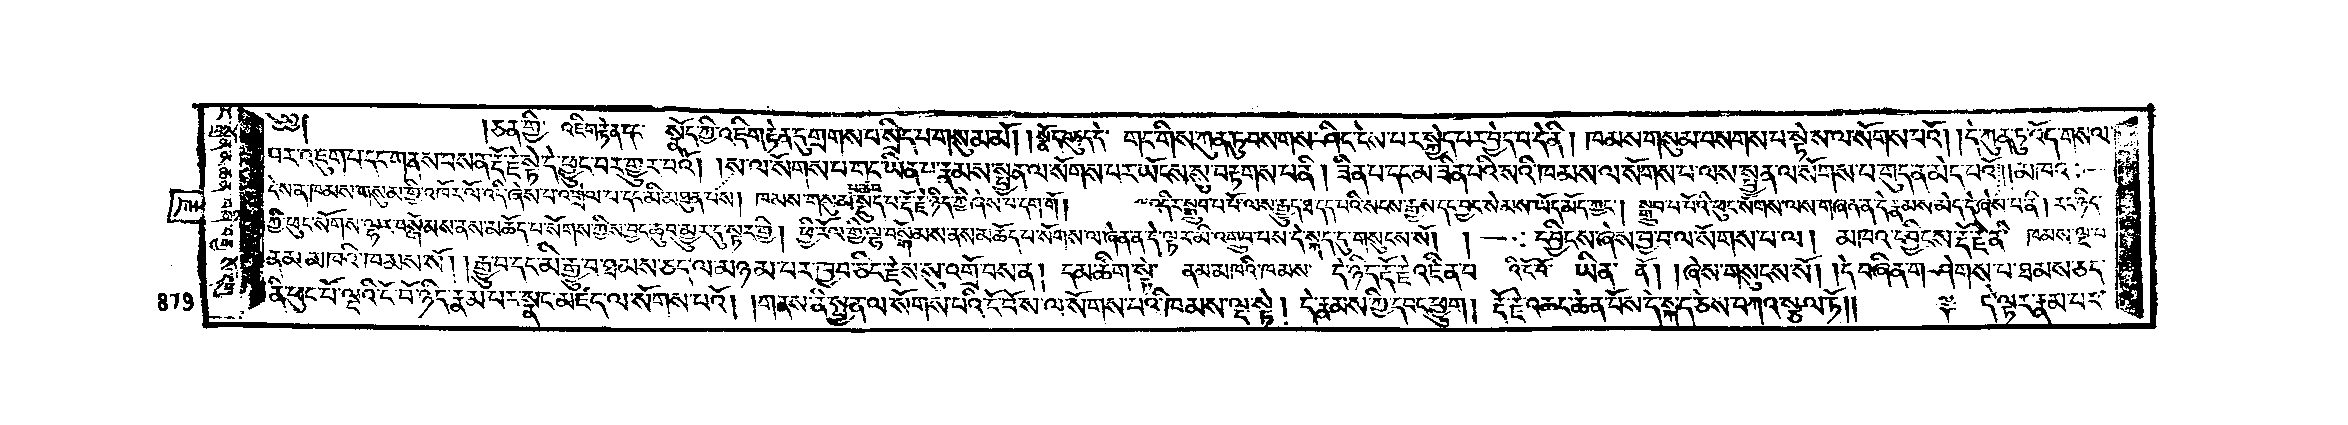༄༅། །ཅན་གྱི་འཇིག་རྟེན་དང་སྣོད་ཀྱི་འཇིག་རྟེན་དུ་གྲགས་པ་སྲིད་པ་གསུམ་མོ། །སྣོད་བཅུད་དེ་གང་གིས་ཀུན་ཏུ་བསགས་ཤིང་ངེས་པར་སྐྱེད་པར་བྱེད་པ་དེ་ནི། ཁམས་གསུམ་བསགས་པ་སྟེ་ས་ལ་སོགས་པའོ། །དེ་ཀུན་ཏུ་འོད་གསལ་
བར་འཇུག་པ་དང་གནས་པས་ན་རྡོ་རྗེ་སྟེ་དེ་ཕྱུང་བར་གྱུར་བའོ། །ས་ལ་སོགས་པ་གང་ཡིན་པ་རྣམས་སྤྱན་ལ་སོགས་པར་ཡོངས་སུ་བརྟགས་པ་ནི། ཟིན་པ་དང་མ་ཟིན་པའི་སའི་ཁམས་ལ་སོགས་པ་ལས་སྤྱན་ལ་སོགས་པ་གུད་ན་མེད་པའོ། །མཁའ༑
དེས་ན་ཁམས་གསུམ་གྱི་འཁོར་ལོ་འདི་ཞེས་པ་འགྲེལ་པ་དང་མི་མཐུན་པས། ཁམས་གསུམ་སྡུད་པ་རྡོ་རྗེ་ཉིད་ཀྱི་ཞེས་པ་དག་གོ །༧་འདིར་སྒྲུབ་པ་པོ་ལས་རྒྱུད་ཐ་དད་པའི་སངས་རྒྱས་དང་བྱང་སེམས་ཡོད་མོད་ཀྱང་། སྒྲུབ་པ་པོའི་ཕུང་སོགས་ལས་གཞན་ན་དེ་རྣམས་མེད་དེ་ཞེས་པ་ནི། རང་ཉིད་
ཀྱི་ཕུང་སོགས་ལྷར་བསྒོམས་ནས་མཆོད་པ་སོགས་ཀྱིས་བྱང་ཆུབ་མྱུར་དུ་སྟར་གྱི། ཕྱི་རོལ་གྱི་ལྷ་བསྒོམས་ནས་མཆོད་པ་སོགས་ལ་ཞེན་ན་དེ་ལྟར་མི་འགྲུབ་པས་དེ་སྐད་དུ་གསུངས་སོ།། H.་དབྱིངས་ཞེས་བྱ་བ་ལ་སོགས་པ་ལ། མཁའ་དབྱིངས་རྡོ་རྗེ་ནི་ཁམས་ལྔ་པ་
ནམ་མཁའི་ཁམས་སོ། །རྒྱུ་བ་དང་མི་རྒྱུ་བ་ཐམས་ཅད་ལ་མཉམ་པར་ཁྱབ་ཅིང་རྗེས་སུ་འགྲོ་བས་ན། དམ་ཚིག་སྟེ་ནམ་མཁའི་ཁམས་དེ་ཉིད་རྡོ་རྗེ་འཛིན་པའི་ངོ་བོ་ཡིན་ནོ། །ཞེས་གསུངས་སོ། །དེ་བཞིན་གཤེགས་པ་ཐམས་ཅད་
ནི་ཕུང་པོ་ལྔའི་ངོ་བོ་ཉིད་རྣམ་པར་སྣང་མཛད་ལ་སོགས་པའོ། །གནས་ནི་སྤྱན་ལ་སོགས་པའི་ངོ་བོ་ས་ལ་སོགས་པའི་ཁམས་ལྔ་སྟེ། དེ་རྣམས་ཀྱི་དབང་ཕྱུག །རྡོ་རྗེ་འཆང་ཆེན་པོས་དེ་སྐད་ཅེས་བཀའ་སྩལ་ཏོ།། ༈ དེ་ལྟར་རྣམ་པར་